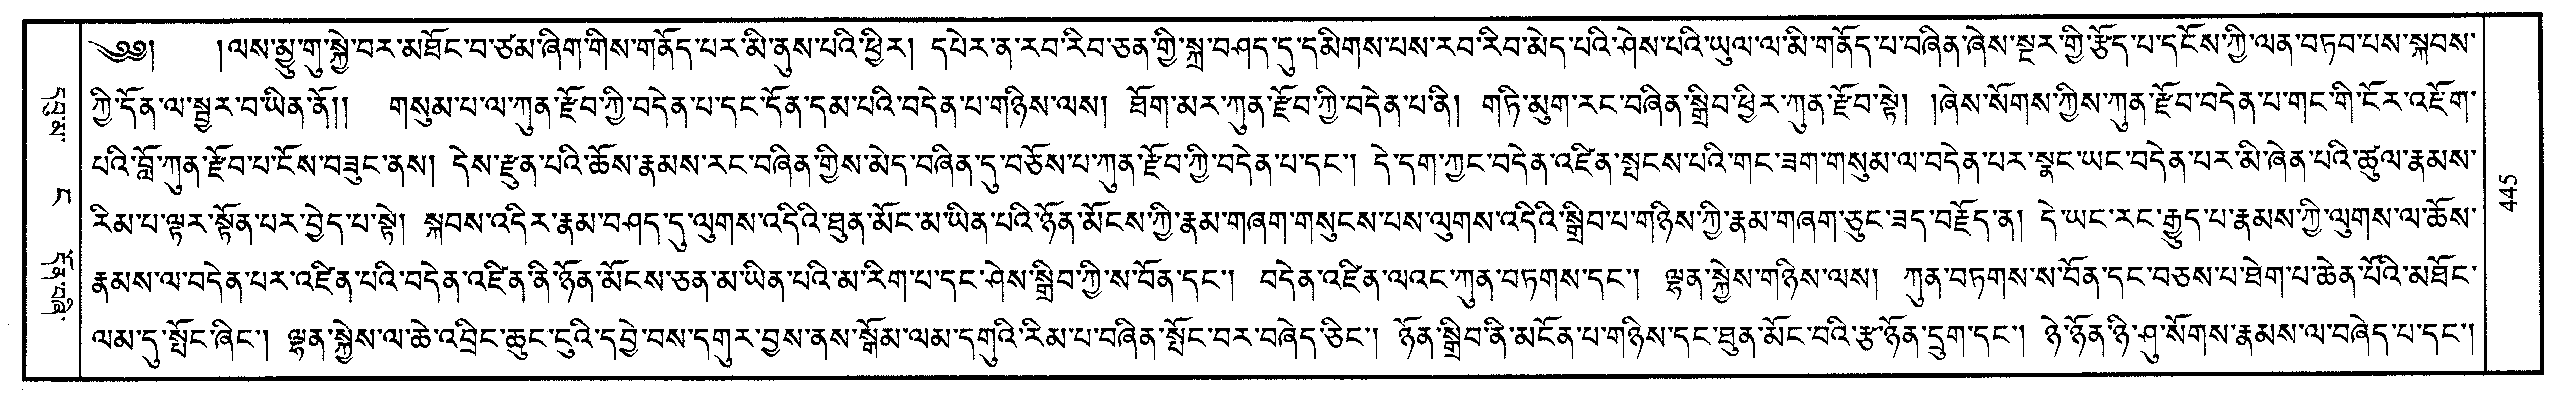༄༅། །ལས་མྱུ་གུ་སྐྱེ་བར་མཐོང་བ་ཙམ་ཞིག་གིས་གནོད་པར་མི་ནུས་པའི་ཕྱིར། དཔེར་ན་རབ་རིབ་ཅན་གྱི་སྐྲ་བཤད་དུ་དམིགས་པས་རབ་རིབ་མེད་པའི་ཤེས་པའི་ཡུལ་ལ་མི་གནོད་པ་བཞིན་ཞེས་སྔར་གྱི་རྩོད་པ་དངོས་ཀྱི་ལན་བཏབ་པས་སྐབས་
ཀྱི་དོན་ལ་སྦྱར་བ་ཡིན་ནོ།། གསུམ་པ་ལ་ཀུན་རྫོབ་ཀྱི་བདེན་པ་དང་དོན་དམ་པའི་བདེན་པ་གཉིས་ལས། ཐོག་མར་ཀུན་རྫོབ་ཀྱི་བདེན་པ་ནི། གཏི་མུག་རང་བཞིན་སྒྲིབ་ཕྱིར་ཀུན་རྫོབ་སྟེ། །ཞེས་སོགས་ཀྱིས་ཀུན་རྫོབ་བདེན་པ་གང་གི་ངོར་འཇོག་
པའི་བློ་ཀུན་རྫོབ་པ་ངོས་བཟུང་ནས། དེས་རྫུན་པའི་ཆོས་རྣམས་རང་བཞིན་གྱིས་མེད་བཞིན་དུ་བཅོས་པ་ཀུན་རྫོབ་ཀྱི་བདེན་པ་དང་། དེ་དག་ཀྱང་བདེན་འཛིན་སྤངས་པའི་གང་ཟག་གསུམ་ལ་བདེན་པར་སྣང་ཡང་བདེན་པར་མི་ཞེན་པའི་ཚུལ་རྣམས་
རིམ་པ་ལྟར་སྟོན་པར་བྱེད་པ་སྟེ། སྐབས་འདིར་རྣམ་བཤད་དུ་ལུགས་འདིའི་ཐུན་མོང་མ་ཡིན་པའི་ཉོན་མོངས་ཀྱི་རྣམ་གཞག་གསུངས་པས་ལུགས་འདིའི་སྒྲིབ་པ་གཉིས་ཀྱི་རྣམ་གཞག་ཅུང་ཟད་བརྗོད་ན། དེ་ཡང་རང་རྒྱུད་པ་རྣམས་ཀྱི་ལུགས་ལ་ཆོས་
རྣམས་ལ་བདེན་པར་འཛིན་པའི་བདེན་འཛིན་ནི་ཉོན་མོངས་ཅན་མ་ཡིན་པའི་མ་རིག་པ་དང་ཤེས་སྒྲིབ་ཀྱི་ས་བོན་དང་། བདེན་འཛིན་ལའང་ཀུན་བཏགས་དང་། ལྷན་སྐྱེས་གཉིས་ལས། ཀུན་བཏགས་ས་བོན་དང་བཅས་པ་ཐེག་པ་ཆེན་པོའི་མཐོང་
ལམ་དུ་སྤོང་ཞིང་། ལྷན་སྐྱེས་ལ་ཆེ་འབྲིང་ཆུང་ངུའི་དབྱེ་བས་དགུར་བྱས་ནས་སྒོམ་ལམ་དགུའི་རིམ་པ་བཞིན་སྤོང་བར་བཞེད་ཅིང་། ཉོན་སྒྲིབ་ནི་མངོན་པ་གཉིས་དང་ཐུན་མོང་བའི་རྩ་ཉོན་དྲུག་དང་། ཉེ་ཉོན་ཉི་ཤུ་སོགས་རྣམས་ལ་བཞེད་པ་དང་།